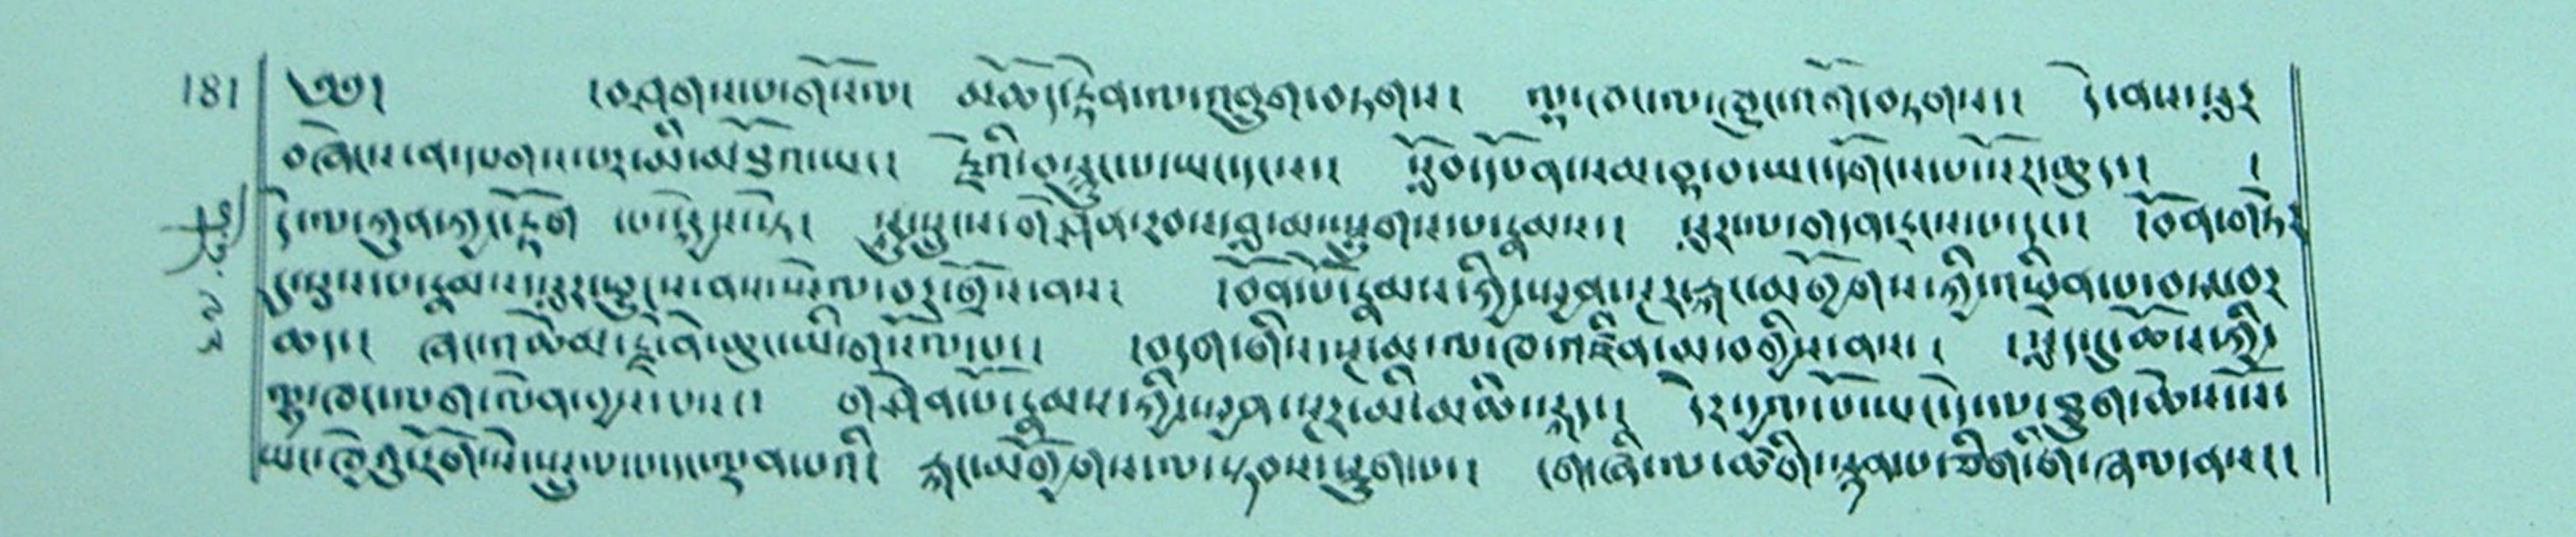༄༅། །བཤགས་པ་གསོལ། མཆོད་རྟེན་ལ་འབྲུག་བཏགས། ལྷ་ཁང་ལ་ཁྱུང་མགོ་བཏགས། དེ་ནས་སླར་
བཞེངས་ནས་དཔགས་པར་མི་མཐོའ་ཡང་། རྗེའི་བསྙུང་བ་ཡང་དྭངས། སློབ་དཔོན་སམ་བྷ་བ་ཡང་དགོངས་པ་སོར་ཆུད། 
དེ་ལ་ཀུན་ཀྱང་རྟོག་པ་སྐྱེས་ཏེ། སྐུ་བསྲུངས་གཤེན་རབ་བླ་མ་སྤྱུགས་པ་རྣམས། སླར་ལ་གདན་དྲངས་པ་དང་། བོན་གཏེར་
དུ་སྦས་པ་རྣམས་སླར་ལ་ཕྱུང་ནས་སྤེལ་བར་གྲོས་ནས། བོན་པོ་རྣམས་ཀྱི་སྤྱན་སྔར་རྐང་མགྱོགས་ཀྱིས་འཕྲིན་པ་བཏང་བར་
ཆད ཞང་ཆེམ་རྗེ་ནེའུ་ཆུང་གི་གསོལ་བ། བདག་གིས་སྔ་མ་ལ་ཁ་འཛིན་མ་བགྱིས་ནས། སླར་དུ་ཆོས་ཀྱི་
ལྷ་ཁང་ལག་ལེན་བྱས་པས། གཤེན་པོ་རྣམས་ཀྱི་སྤྱན་སྔར་མི་མཆི་སྐད། དེར་རྒྱལ་བོ་ཡང་དེ་ཡང་ཐུགས་ཆེས་སོ། 
།ཡང་ཁྱེའུ་རོག་སེ་སྤྲུལ་པ་དང་ལྡན་པའི། རྐང་མགྱོགས་ལ་སྟབས་སྡུག་པ། ངག་ཞི་ལ་ཚིག་སྙན་པ་གཅིག་གི་ཞལ་ནས།